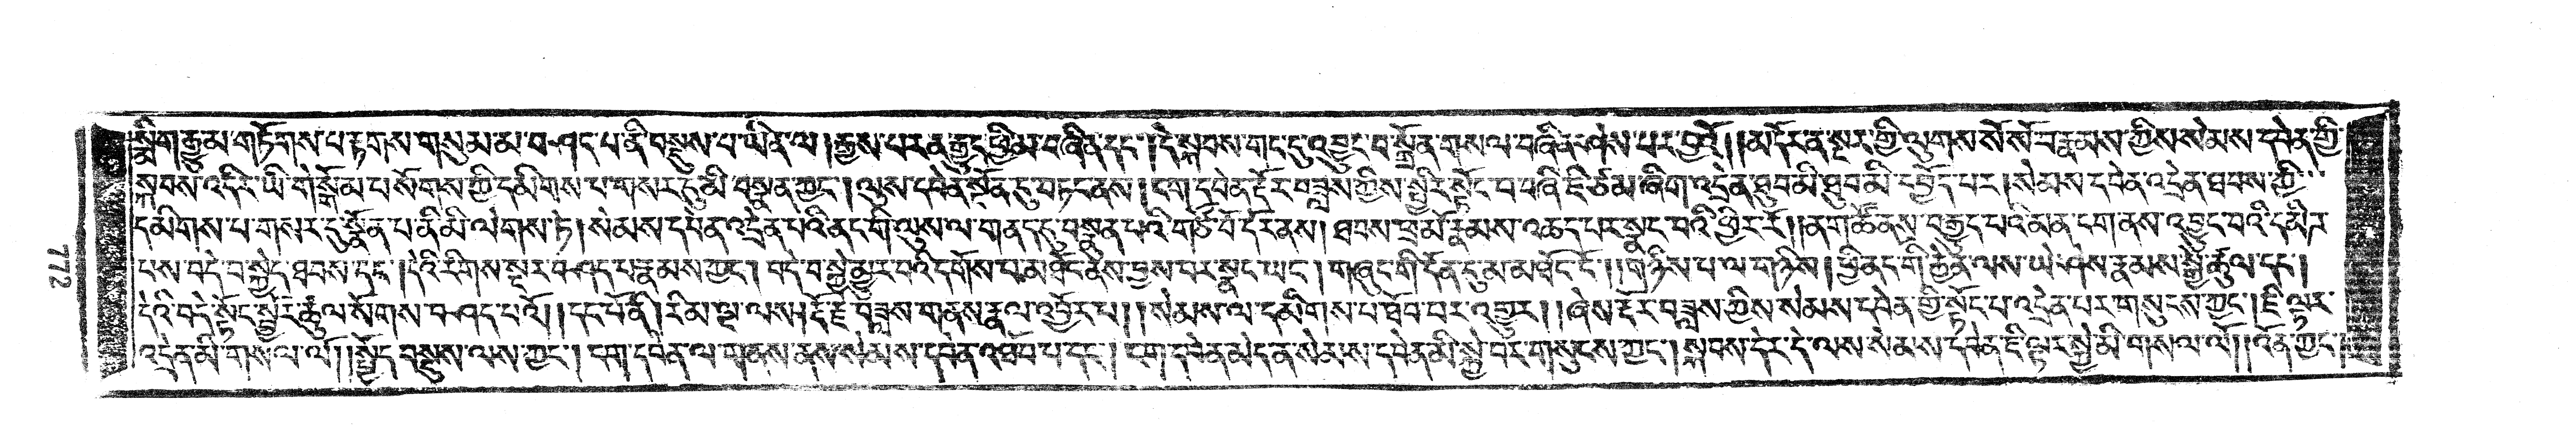སྨིག་རྒྱུ་མ་གཏོགས་པ་རྟགས་གསུམ་མ་བཤད་པ་ནི་བསྡུས་པ་ཡིན་ལ། རྒྱས་པར་ན་རྒྱུད་ཕྱི་མ་བཞིན་དང་། དེ་སྐབས་གང་དུ་འབྱུང་བ་སྒྲོན་གསལ་བཞིན་ཤེས་པར་བྱའོ། །མདོར་ན་སྔར་གྱི་ལུགས་སོ་སོ་བ་རྣམས་ཀྱིས་སེམས་དབེན་གྱི་
སྐབས་འདིར་ཡི་གེ་སྒོམ་པ་སོགས་ཀྱི་དམིགས་པ་གསར་དུ་མི་བསྣན་ཀྱང་། ལུས་དབེན་སྔོན་དུ་བཏང་ནས། ངག་དབེན་རྡོར་བཟླས་ཀྱིས་སྤྱིར་སྟོང་པ་བཞི་ཇི་ཙམ་ཞིག་འདྲེན་ཐུབ་མི་ཐུབ་མི་དཔྱོད་པར། སེམས་དབེན་འདྲེན་ཐབས་ཀྱི་
དམིགས་པ་གསར་དུ་སྣོན་པ་ནི་མི་ལེགས་ཏེ། སེམས་དབེན་འདྲེན་པའི་ནང་གི་ལུས་ལ་གནད་དུ་བསྣུན་པའི་གཙོ་བོ་དོར་ནས། ཐབས་ཕྲ་མོ་རྣམས་འཆད་པར་སྣང་བའི་ཕྱིར་རོ། །ནག་ཚོ་ནས་བརྒྱུད་པའི་མན་ངག་ནས་འབྱུང་བའི་དམིགས་
པས་བདེ་བ་སྐྱེད་ཐབས་དང་། དེའི་རིགས་སྔར་བཤད་པ་རྣམས་ཀྱང་། བདེ་བ་སྐྱེ་མྱུར་བའི་དགོས་པ་མཐོང་ནས་བྱས་པར་སྣང་ཡང་། གཞུང་གི་དོན་དུ་མ་མཐོང་ངོ། །གཉིས་པ་ལ་གཉིས། ཕྱི་ནང་གི་རྐྱེན་ལས་ཡེ་ཤེས་རྣམས་སྐྱེ་ཚུལ་དང་།
དེའི་བདེ་སྟོང་སྦྱོར་ཚུལ་སོགས་བཤད་པའོ། །དང་པོ་ནི། རིམ་ལྔ་ལས། རྡོ་རྗེ་བཟླས་གནས་རྣལ་འབྱོར་པ། །སེམས་ལ་དམིགས་པ་ཐོབ་པར་འགྱུར། །ཞེས་རྡོར་བཟླས་ཀྱིས་སེམས་དབེན་གྱི་སྟོང་པ་འདྲེན་པར་གསུངས་ཀྱང་། ཇི་ལྟར་
འདྲེན་མི་གསལ་ལོ། །སྤྱོད་བསྡུས་ལས་ཀྱང་། ངག་དབེན་ལ་གནས་ནས་སེམས་དབེན་འཐོབ་པ་དང་། ངག་དབེན་མེད་ན་སེམས་དབེན་མི་སྐྱེ་བར་གསུངས་ཀྱང་། སྐབས་དེར་དེ་ལས་སེམས་དབེན་ཇི་ལྟར་སྐྱེ་མི་གསལ་ལོ། །འོན་ཀྱང་།